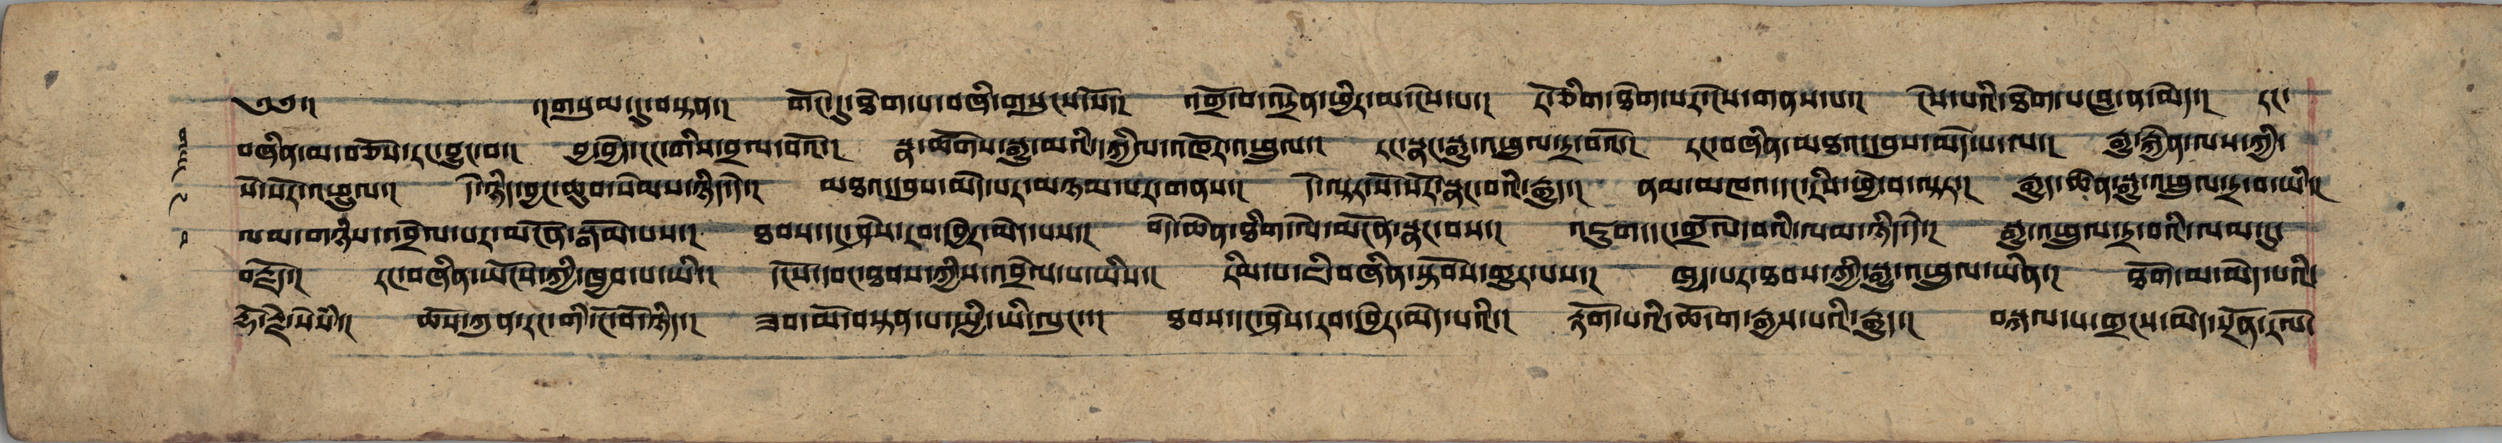༄༅་། ་།གསུམ་དུ་བསྟན་། གོང་དུ་ཐེག་པ་བཞི་གསུངས་སོ་། འགྲོ་བ་འདྲེན་ཕྱིར་མ་ངེས་པ་། རོ་ཅིག་ཐེག་པར་ངེས་གནས་པ་། ངེས་པའི་ཐེག་པ་བླ་ན་མེད་། རང་
བཞིན་མ་བཅོས་རང་བྱུང་བ་། བྱ་བྱེད་ངང་གིས་བྲལ་བའོ་། སྣ་ཚོགས་སྒྱུ་མའི་དཀྱིལ་འཁོར་འཕྲུལ་། རང་སྣང་སྒྱུ་འཕྲུལ་དྲ་བའོ་། རང་བཞིན་མཐའ་དབུས་མེད་པ་ལ་། རྒྱུ་རྐྱེན་ལས་ཀྱི་
སོ་སོར་འཕྲུལ་། དེ་ཉིད་བྱང་ཆུབ་སེམས་ཉིད་དེ་། མཐའ་དབུས་མེད་པར་མཉམ་པར་གནས་། དེ་ལྟར་སོ་སོར་སྣང་བའི་རྒྱུད་། ནམ་མཁའ་དང་རིས་ཕྱེ་བ་ལྟར་། རྒྱུད་ཆེན་སྒྱུ་འཕྲུལ་དྲ་བ་ཡི་།
ལམ་གཉིས་འབྲེལ་པར་མངོན་སྒོམ་པས་། ཐབས་དང་ཤེས་རབ་དབྱེར་མེད་པས་། བདེ་ཆེན་ཐིག་ལེ་མངོན་སྣང་བས་། འཇུག་དང་གྲོལ་བའི་ལམ་ཉིད་དེ་། སྒྱུ་འཕྲུལ་དྲ་བའི་ལམ་དུ་
བརྗོད་། རང་བཞིན་ཡོངས་ཀྱི་ཁྱབ་པ་ཡི་། དངོས་དབང་ཐབས་ཀྱིས་འབྲེལ་པ་ཡིས་། རིམ་པ་ཇི་བཞིན་སྟོབས་གྱུར་པས་། ཁྱད་པར་ཐབས་ཀྱི་སྒྱུ་འཕྲུལ་ཡིན་། ཐོག་མ་མེད་པའི་
རྡོ་རྗེ་སེཾས་། ཆོས་ཀུན་རང་གི་ངོ་བོ་ཉིད་། ཟབ་མོ་བསྟན་པ་སྤྱི་ཡི་ལུང་་། ཐབས་དང་ཤེས་རབ་དབྱེར་མེད་པའི་། རྟོག་པའི་ཆོ་ག་རྒྱས་པའི་རྒྱུད་། བསྐལ་པ་གྲངས་མེད་སྔོན་རོལ་